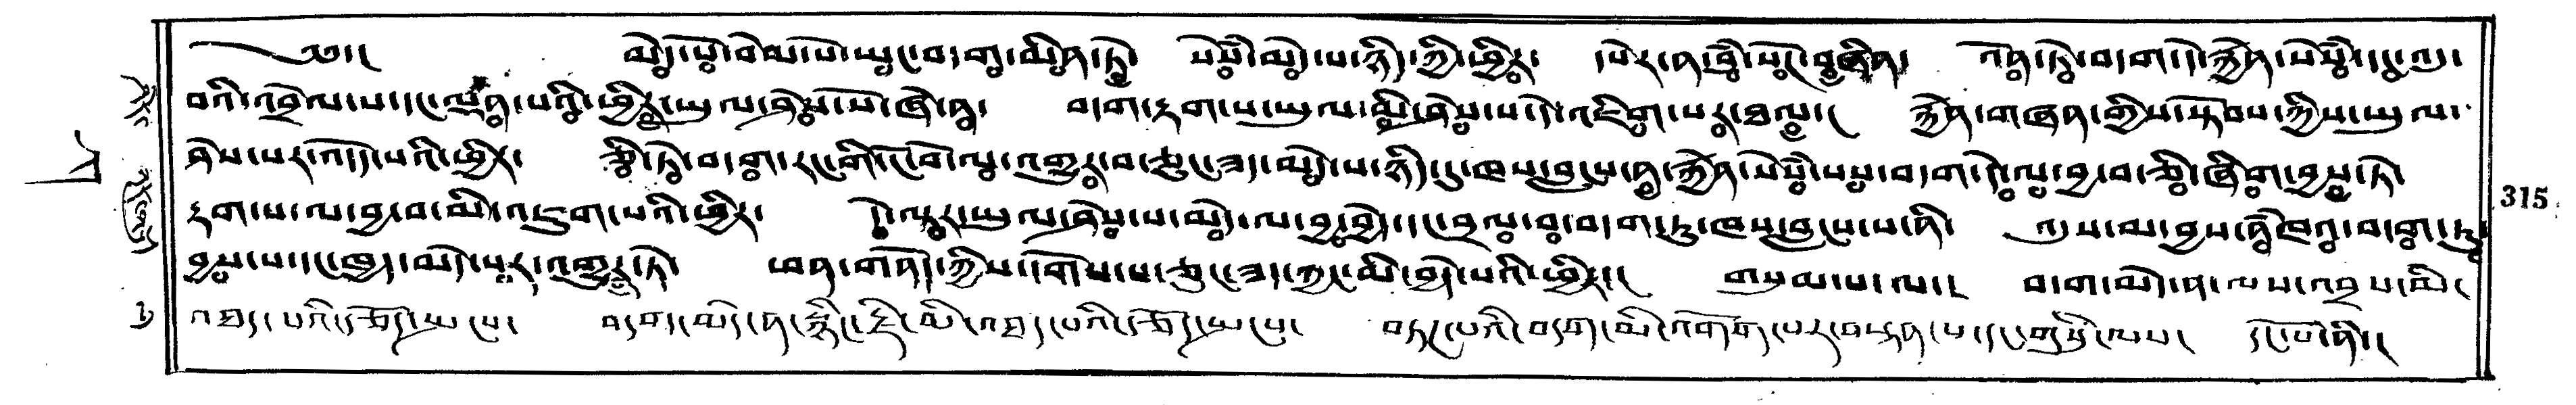མེད་པ་བེམ་པོ་ཡང་བདག་མིན་ཏེ། སེམས་མེད་པ་ཉིད་ཀྱི་ཕྱིར། དཔེར་ན་བུམ་སོགས་བཞིན། འོན་ཏེ་བདག་དེ་རྐྱེན་སེམས་དང་འདུ་
བའི་འབྲེལ་པ་དང་ལྡན་པའི་ཕྱིར་ཡུལ་ཤེས་སོ་ཞེ་ན། བདག་རྟག་པ་ཡུལ་མི་ཤེས་པ་དེ་འཇིག་པར་ཐལ། རྐྱེན་གཞན་གྱིས་སྟོབས་ཀྱིས་ཡུལ་
ཤེས་པར་འདོད་པའི་ཕྱིར། ཅི་སྟེ་བདག་རང་གི་ངོ་བོ་ལ་འགྱུར་བ་ཅུང་ཟད་མེད་པ་ཉིད་དུ་ཁས་བླངས་ན་རྐྱེན་སེམས་པས་བདག་དེ་ལ་བྱ་བ་ཅི་ཞིག་བྱས་ཏེ། 
རྟག་པ་ལ་བྱ་བ་མི་འཇུག་པའི་ཕྱིར། དེ་ལྟར་ཡུལ་ཤེས་པ་མེད་ལ་བྱ་བྱེད་དང་བྲལ་བ་བདག་ཏུ་ཁས་བླངས་པ་ནི། འདུས་མ་བྱས་ནམ་མཁའ་བདག་ཏུ་
བྱས་པ་དང་ཁྱད་མེད་པར་འགྱུར་ཏེ། ཕན་གནོད་ཀྱིས་དགོས་པ་ཅུང་ཟད་ཀྱང་མི་བྱེད་པའི་ཕྱིར། གསུམ་པ་ལ། བདག་མེད་ན་ལས་འབྲས་མི་
འཐད་པའི་རྩོད་སྤོང་།བདག་མེད་ན་སྙིང་རྗེ་མི་འཐད་པའི་རྩོད་སྤོང་། བཏགས་པའི་བདག་མི་འགོག་པར་བསྟན་པ་དང་གསུམ་ལས། དང་པོ་ནི།